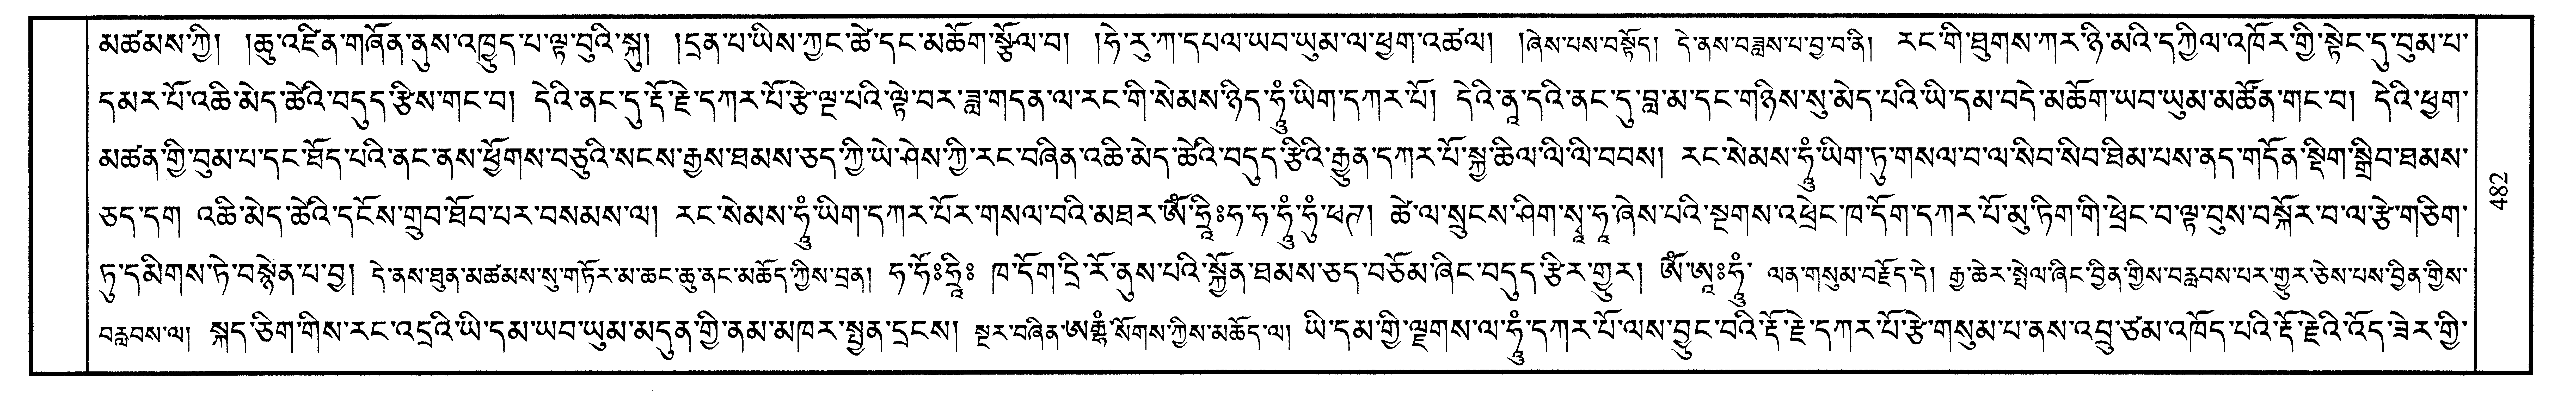མཚམས་ཀྱི། །ཆུ་འཛིན་གཞོན་ནུས་འཁྱུད་པ་ལྟ་བུའི་སྐུ། །དྲན་པ་ཡིས་ཀྱང་ཚེ་དང་མཆོག་སྩོལ་བ། །ཧེ་རུ་ཀ་དཔལ་ཡབ་ཡུམ་ལ་ཕྱག་འཚལ། །ཞེས་པས་བསྟོད། དེ་ནས་བཟླས་པ་བྱ་བ་ནི། རང་གི་ཐུགས་ཀར་ཉི་མའི་དཀྱིལ་འཁོར་གྱི་སྟེང་དུ་བུམ་པ་
དམར་པོ་འཆི་མེད་ཚེའི་བདུད་རྩིས་གང་བ། དེའི་ནང་དུ་རྡོ་རྗེ་དཀར་པོ་རྩེ་ལྔ་པའི་ལྟེ་བར་ཟླ་གདན་ལ་རང་གི་སེམས་ཉིད་ཧཱུཾ་ཡིག་དཀར་པོ། དེའི་ནཱ་དའི་ནང་དུ་བླ་མ་དང་གཉིས་སུ་མེད་པའི་ཡི་དམ་བདེ་མཆོག་ཡབ་ཡུམ་མཚོན་གང་བ། དེའི་ཕྱག་
མཚན་གྱི་བུམ་པ་དང་ཐོད་པའི་ནང་ནས་ཕྱོགས་བཅུའི་སངས་རྒྱས་ཐམས་ཅད་ཀྱི་ཡེ་ཤེས་ཀྱི་རང་བཞིན་འཆི་མེད་ཚེའི་བདུད་རྩིའི་རྒྱུན་དཀར་པོ་སྐྱ་ཆིལ་ལི་ལི་བབས། རང་སེམས་ཧཱུཾ་ཡིག་ཏུ་གསལ་བ་ལ་སིབ་སིབ་ཐིམ་པས་ནད་གདོན་སྡིག་སྒྲིབ་ཐམས་
ཅད་དག། འཆི་མེད་ཚེའི་དངོས་གྲུབ་ཐོབ་པར་བསམས་ལ། རང་སེམས་ཧཱུཾ་ཡིག་དཀར་པོར་གསལ་བའི་མཐར་ཨོཾ་ཧྲཱིཿ ཧ་ཧ་ཧཱུཾ་ཧཱུཾ་ཕཊ། ཚེ་ལ་སྲུངས་ཤིག་སྭཱ་ཧཱ་ཞེས་པའི་སྔགས་འཕྲེང་ཁ་དོག་དཀར་པོ་མུ་ཏིག་གི་ཕྲེང་བ་ལྟ་བུས་བསྐོར་བ་ལ་རྩེ་གཅིག་
ཏུ་དམིགས་ཏེ་བསྙེན་པ་བྱ། དེ་ནས་ཐུན་མཚམས་སུ་གཏོར་མ་ཆང་ཆུ་ནང་མཆོད་ཀྱིས་བྲན། ཧ་ཧོཿ ཧྲཱིཿ ཁ་དོག་དྲི་རོ་ནུས་པའི་སྐྱོན་ཐམས་ཅད་བཅོམ་ཞིང་བདུད་རྩིར་གྱུར། ཨོཾ་ཨཱཿ ཧཱུཾ་ལན་གསུམ་བརྗོད་དེ། རྒྱ་ཆེར་སྤེལ་ཞིང་བྱིན་གྱིས་བརླབས་པར་གྱུར་ཅེས་པས་བྱིན་གྱིས་
བརླབས་ལ། སྐད་ཅིག་གིས་རང་འདྲའི་ཡི་དམ་ཡབ་ཡུམ་མདུན་གྱི་ནམ་མཁར་སྤྱན་དྲངས། སྔར་བཞིན་ཨརྒྷཾ་སོགས་ཀྱིས་མཆོད་ལ། ཡི་དམ་གྱི་ལྗགས་ལ་ཧཱུཾ་དཀར་པོ་ལས་བྱུང་བའི་རྡོ་རྗེ་དཀར་པོ་རྩེ་གསུམ་པ་ནས་འབྲུ་ཙམ་འཁོད་པའི་རྡོ་རྗེའི་འོད་ཟེར་གྱི་